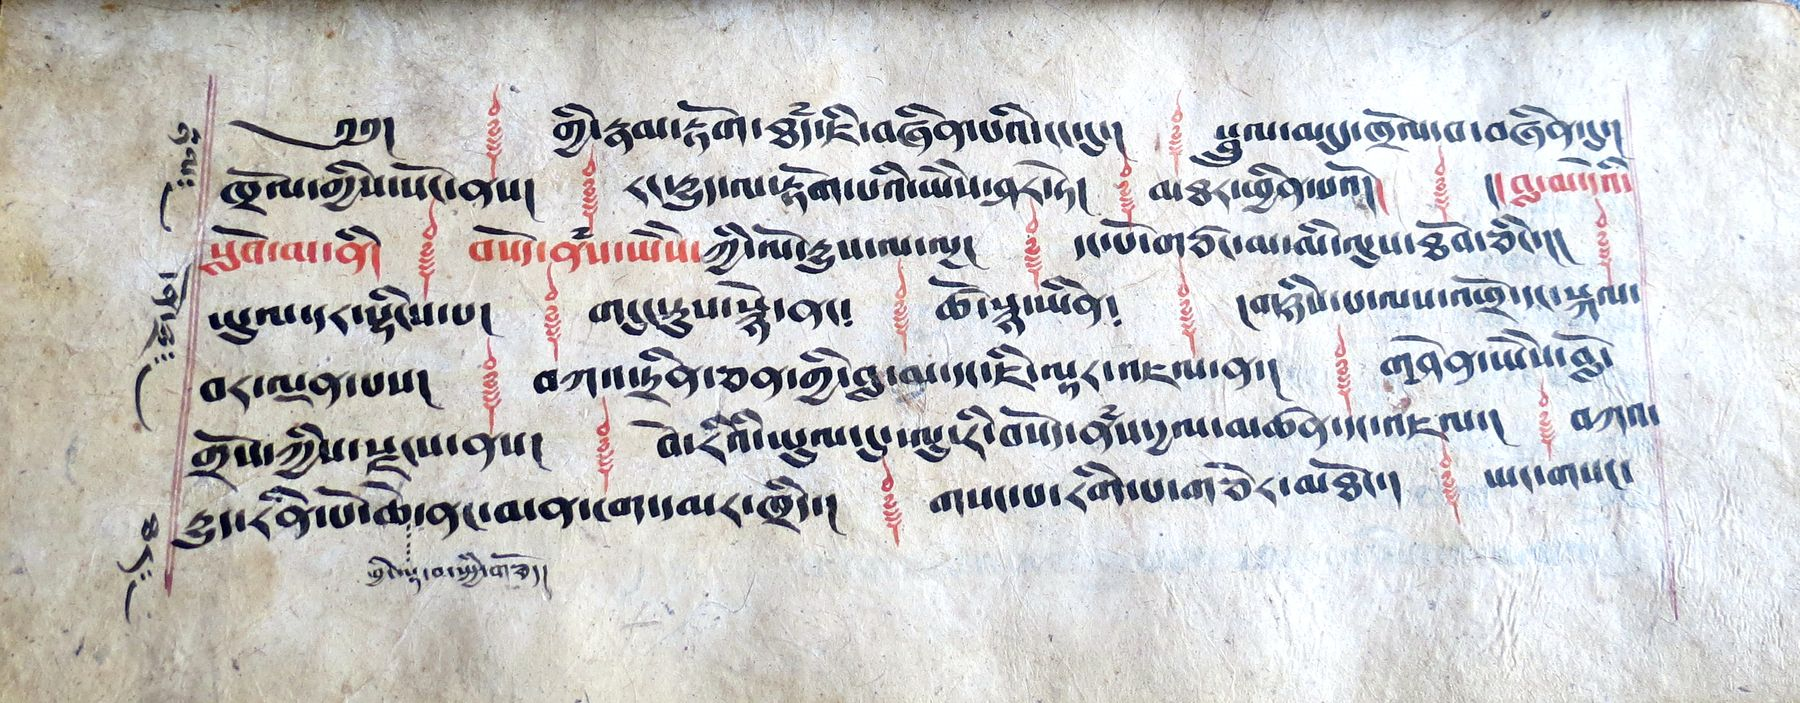གྱི་རྣམ་རྟོག་ཐམས་ཅད་ཅི་བཞིན་པའི་ངང་དུ། སྦྲུལ་མདུད་གྲོལ་བ་བཞིན་དུ་
ཁྲོལ་གྱིས་སོང་ནས། རང་རྒྱུད་ལ་རྟོགས་པའི་ཡེ་ཤེས་ཤར་ཏེ་མཐར་ཕྱིན་པའོ། ། བླ་མ་དེའི་
སློབ་མ་ནི། བསོད་ནམས་ཡེ་ཤེས་ཀྱི་ལོ་རྒྱུས་ལ་ལྔ། དང་པོ་གཙང་མ་མི་ལུས་ཐོབ་ཅིང་། 
ཡུལ་དར་ལྡིང་པ། གདུང་རུས་སྙེལ། ནང་མཚོ་སྙ་ཡིན། གཉིས་པ་ལས་འཕྲོ་དང་སྐལ་
བར་ལྡན་པས། བཀའ་དྲིན་ཅན་གྱི་བླ་མ་དང་ཅི་ལྟར་མཇལ་ན། གཤེན་ཡེ་ཤེས་བློ་
གྲོས་ཀྱིས་བརྫངས་ནས། བི་རིའི་ཡུལ་དུ་ཨུ་རི་བསོད་ནམས་རྒྱལ་མཚན་དང་མཇལ། བཀའ་
རྒྱུད་རིན་པོ་ཆེ་ཕྱི་ལྟ་བ་སྤྱི་གཅོད། ནང་མན་ངག་དམར་ཁྲིད། གསང་བ་རིག་པ་གཅེར་མཐོང་། ཡང་གསང་